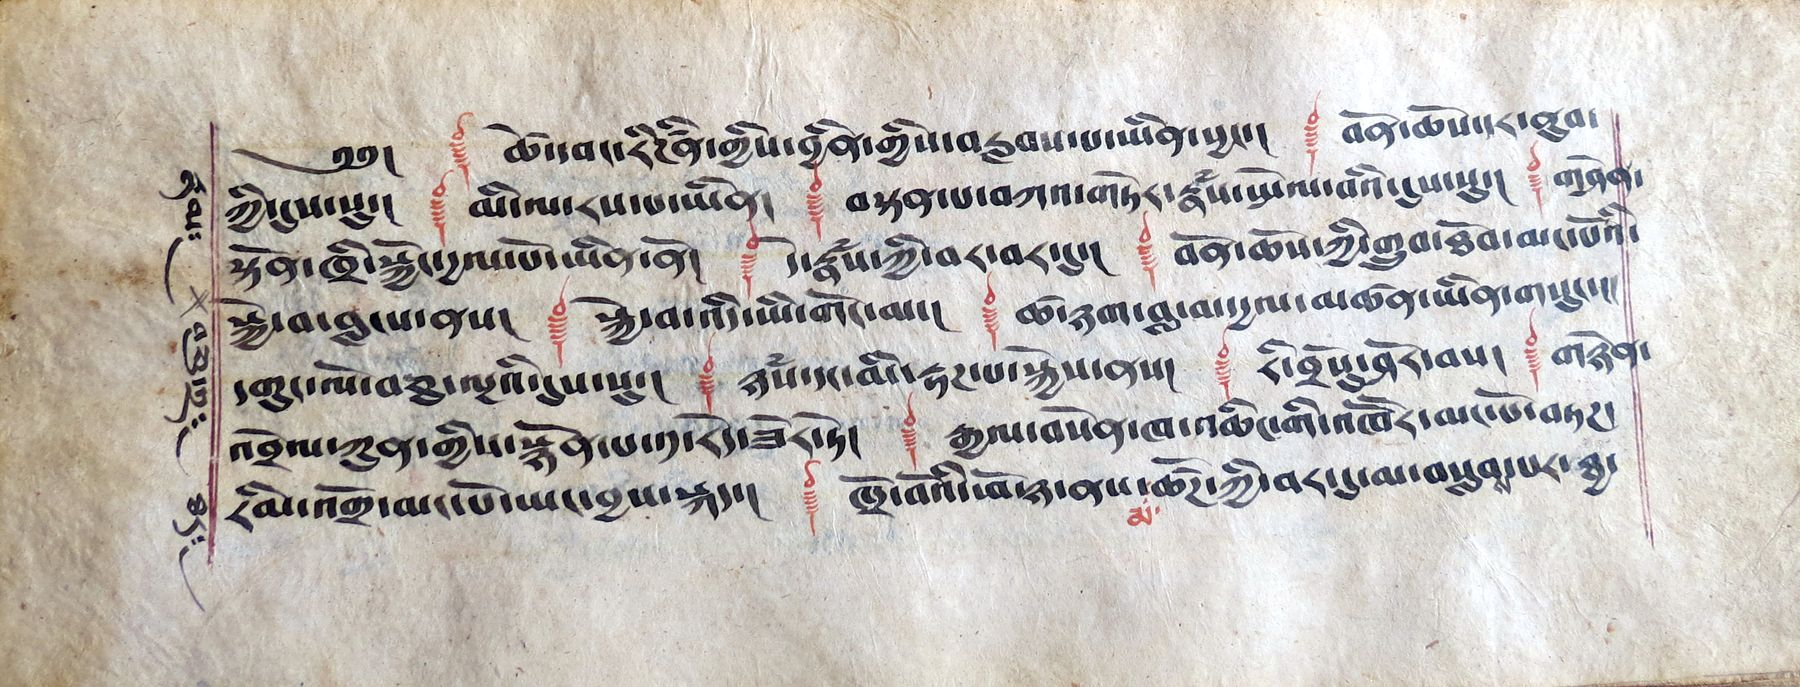ཚེ་དབང་རིག་འཛིན་གྱིས་བྱིན་གྱིས་བརླབས་པ་ཡིན་གསུངས། བོན་ཆོས་དར་ནུབ་
ཀྱི་དུས་སུ་མི་ལ་རས་པ་ཡིན། བསྟན་པ་བཀའ་གཏེར་རྣམས་སྤེལ་བའི་དུས་སུ། གཤེན་
སྟོན་ཁྲི་སྐྱོང་རྒྱལ་པོ་ཡིན་ནོ། ། དེ་རྣམས་ཀྱི་བར་བར་དུ་བོན་ཆོས་ཀྱི་གྲུབ་ཐོབ་མང་པོའི་
སྐྱེ་བ་བླངས་ནས། སྐྱེ་བ་འདིའི་གོང་མ་ཚ་ཉག་བླ་མ་རྒྱལ་མཚན་ཡིན་གསུངས། 
དགུང་ལོ་བཅོ་ལྔའི་དུས་སུ་ཉམས་དང་མི་རྟག་པ་སྐྱེས་ནས་རི་བྲོས་སུ་ཤོར་བས། གཉེན་
འབྲེལ་ཀུན་གྱིས་སྨྱོན་པ་ཞིག་རེད་ཟེར་ཏེ། རྒྱལ་བསེན་ཁ་འཆིང་གི་འཁོར་ལོ་མང་པོ་བཏགས། 
རིམ་གྲོ་མང་པོ་བྱས་སྐད། ཁྲོ་བོའི་ཕོ་ཉ་ནས་མ་ཚོགས་ཀྱི་བར་དུ་མ་བསླབ་པར་ཐུགས་